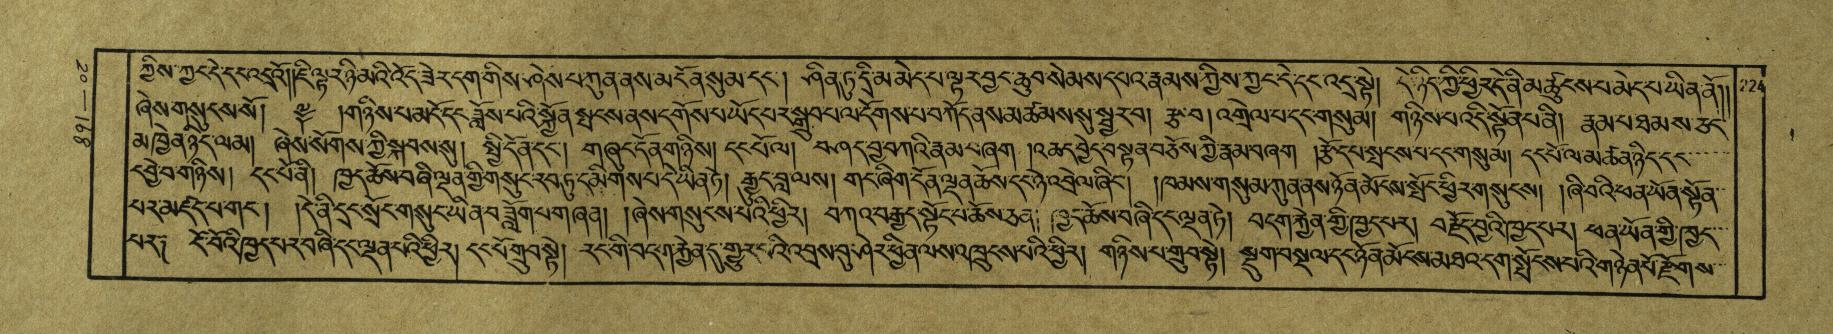ཀྱིས་ཀྱང་དེ་དང་འདྲའོ། །ཇི་ལྟར་ཉི་མའི་འོད་ཟེར་དག་གིས་ཤེས་པ་ཀུན་ནས་མངོན་སུམ་དང་། ཤིན་ཏུ་དྲི་མ་མེད་པ་ལྟར་བྱང་ཆུབ་སེམས་དཔའ་རྣམས་ཀྱིས་ཀྱང་དེ་དང་འདྲ་སྟེ། དེ་ཉིད་ཀྱི་ཕྱིར་དེ་ནི་མཚུངས་པ་མེད་པ་ཡིན་ནོ།།
ཞེས་གསུངས་སོ། ༈ །གཉིས་པ་མདོ་དང་ཟློས་པའི་སྐྱོན་སྤངས་ནས་དགོས་པ་ཡོད་པར་སྒྲུབ་པ་ལ་དོགས་པ་བཀོད་ནས་མཚམས་སུ་སྦྱར་བ། རྩ་བ། འགྲེལ་པ་དང་གསུམ། གཉིས་པ་འདི་སྟོན་པ་ནི། རྣམ་པ་ཐམས་ཅད་
མཁྱེན་ཉིད་ལམ། ཞེས་སོགས་ཀྱི་སྐབས་སུ། སྤྱི་དོན་དང་། གཞུང་དོན་གཉིས། དང་པོ་ལ། བཤད་བྱ་བཀའི་རྣམ་བཞག །འཆད་བྱེད་བསྟན་བཅོས་ཀྱི་རྣམ་བཞག །རྩོད་པ་སྤངས་པ་དང་གསུམ། དང་པོ་ལ་མཚན་ཉིད་དང་
དབྱེ་བ་གཉིས། དང་པོ་ནི། ཁྱད་ཆོས་བཞི་ལྡན་གྱི་གསུང་རབ་ཏུ་དམིགས་པ་དེ་ཡིན་ཏེ། རྒྱུད་བླ་ལས། གང་ཞིག་དོན་ལྡན་ཆོས་དང་ཉེ་འབྲེལ་ཞིང་། །ཁམས་གསུམ་ཀུན་ནས་ཉོན་མོངས་སྤོང་ཕྱིར་གསུངས། །ཞི་བའི་ཕན་ཡོན་སྟོན་
པར་མཛད་པ་གང་། །དེ་ནི་དྲང་སྲོང་གསུང་ཡིན་བཟློག་པ་གཞན། །ཞེས་གསུངས་པའི་ཕྱིར། བཀའ་བརྒྱད་སྟོང་པ་ཆོས་ཅན། ཁྱད་ཆོས་བཞི་དང་ལྡན་ཏེ། བདག་རྐྱེན་གྱི་ཁྱད་པར། བརྗོད་བྱའི་ཁྱད་པར། ཕན་ཡོན་གྱི་ཁྱད་
པར༑ ངོ་བོའི་ཁྱད་པར་བཞི་དང་ལྡན་པའི་ཕྱིར། དང་པོ་གྲུབ་སྟེ། རང་གི་བདག་རྐྱེན་དུ་གྱུར་པའི་འབྲས་བུ་ཤེར་ཕྱིན་ལས་འཁྲུངས་པའི་ཕྱིར། གཉིས་པ་གྲུབ་སྟེ། སྡུག་བསྔལ་དང་ཉོན་མོངས་མཐའ་དག་སྤོངས་པའི་གཉེན་པོ་རྫོགས་